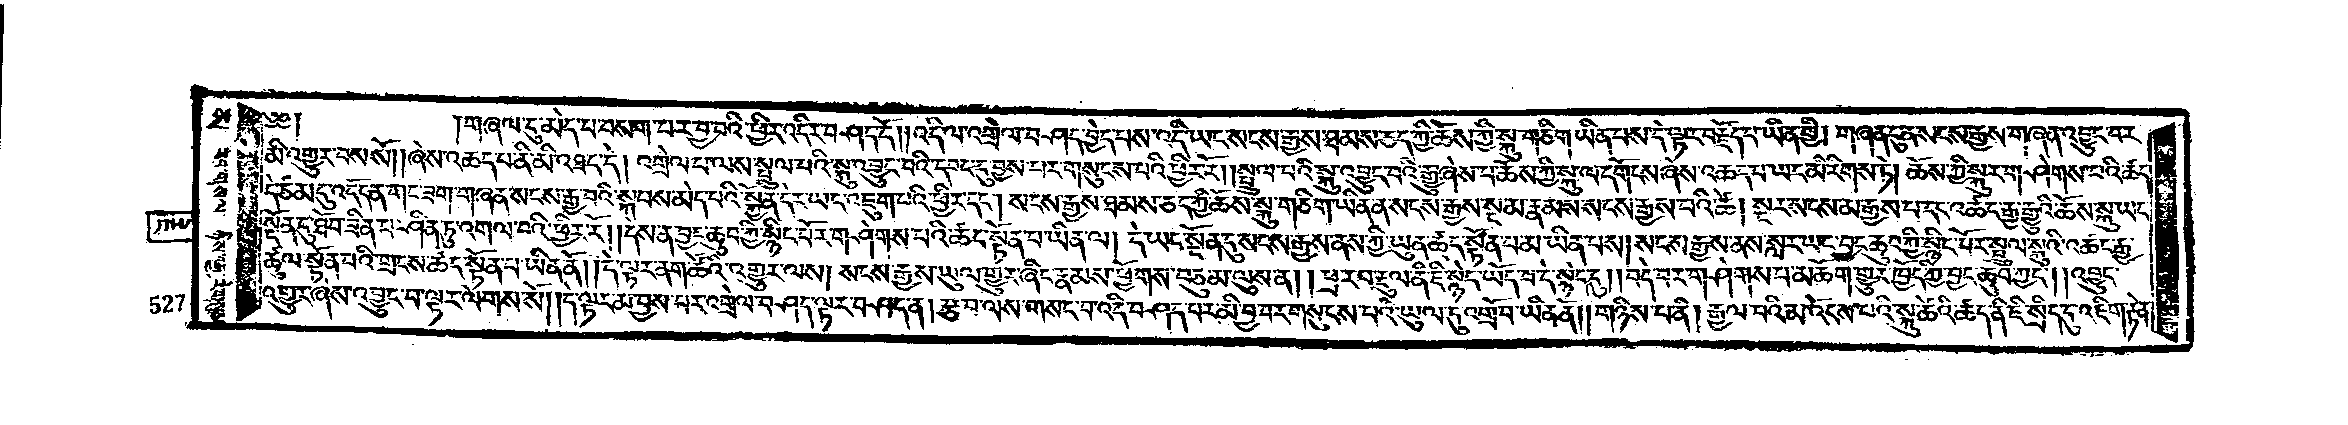༄༅། །གཞལ་དུ་མེད་པ་བསག་པར་བྱ་བའི་ཕྱིར་འདིར་བཤད་དོ། །འདི་ལ་འགྲེལ་བཤད་བྱེད་པས་འདི་ཡང་སངས་རྒྱས་ཐམས་ཅད་ཀྱི་ཆོས་ཀྱི་སྐུ་གཅིག་ཡིན་པས་དེ་ལྟར་བརྗོད་པ་ཡིན་གྱི། གཞན་དུ་ན་སངས་རྒྱས་གཞན་འབྱུང་བར་
མི་འགྱུར་བས་སོ། །ཞེས་འཆད་པ་ནི་མི་འཐད་དེ། འགྲེལ་པ་ལས་སྤྲུལ་པའི་སྐུ་འབྱུང་བའི་དབང་དུ་བྱས་པར་གསུངས་པའི་ཕྱིར་རོ། །སྤྲུལ་པའི་སྐུ་འབྱུང་བའི་རྒྱུ་ཞེས་པ་ཆོས་ཀྱི་སྐུ་ལ་དགོངས་ཞེས་འཆད་པ་ཡང་མི་རིགས་ཏེ། ཆོས་ཀྱི་སྐུར་གཤེགས་པའི་ཚད་
དེ་ཙམ་དུ་འདོད་ན་གང་ཟག་གཞན་སངས་རྒྱ་བའི་སྐབས་མེད་པའི་སྐྱོན་དེར་ཡང་འཇུག་པའི་ཕྱིར་དང་། སངས་རྒྱས་ཐམས་ཅད་ཀྱི་ཆོས་སྐུ་གཅིག་ཡིན་ན་སངས་རྒྱས་སྔ་མ་རྣམས་སངས་རྒྱས་པའི་ཚེ། སྔར་སངས་མ་རྒྱས་པ་དང་འཚང་རྒྱ་རྒྱུའི་ཆོས་སྐུ་ཡང་
སྔོན་དུ་ཐོབ་ཟིན་པ་ཤིན་ཏུ་འགལ་བའི་ཕྱིར་རོ། །དེས་ན་བྱང་ཆུབ་ཀྱི་སྙིང་པོར་གཤེགས་པའི་ཚད་སྟོན་པ་ཡིན་ལ། དེ་ཡང་སྔོན་དུ་སངས་རྒྱས་ནས་ཀྱི་ཡུན་ཚད་སྟོན་པ་མ་ཡིན་པས། སངས་རྒྱས་ནས་སླར་ཡང་བྱང་ཆུབ་ཀྱི་སྙིང་པོར་སྤྲུལ་སྐུའི་འཚང་རྒྱ་
ཚུལ་སྟོན་པའི་གྲངས་ཚད་སྟོན་པ་ཡིན་ནོ། །དེ་ལྟར་ནག་ཚོའི་འགྱུར་ལས། སངས་རྒྱས་ཡུལ་གྱུར་ཞིང་རྣམས་ཕྱོགས་བཅུ་མ་ལུས་ན། །ཕྲ་རབ་རྡུལ་ནི་ཇི་སྙེད་ཡོད་པ་དེ་སྙེད་དུ། །བདེ་བར་གཤེགས་པ་མཆོག་གྱུར་ཁྱོད་ཀྱི་བྱང་ཆུབ་ཀྱང་། །འབྱུང་
འགྱུར་ཞེས་འབྱུང་བ་ལྟར་ལེགས་སོ། །དེ་ལྟར་མ་བྱས་པར་འགྲེལ་བཤད་ལྟར་བཤད་ན། རྩ་བ་ལས་གསང་བ་འདི་བཤད་པར་མི་བྱ་བར་གསུངས་པའི་ཡུལ་དུ་འགྲོ་བ་ཡིན་ནོ། །གཉིས་པ་ནི། རྒྱལ་བའི་མ་འོངས་པའི་སྐུ་ཚེའི་ཚད་ནི་ཇི་སྲིད་དུ་འཇིག་རྟེན་